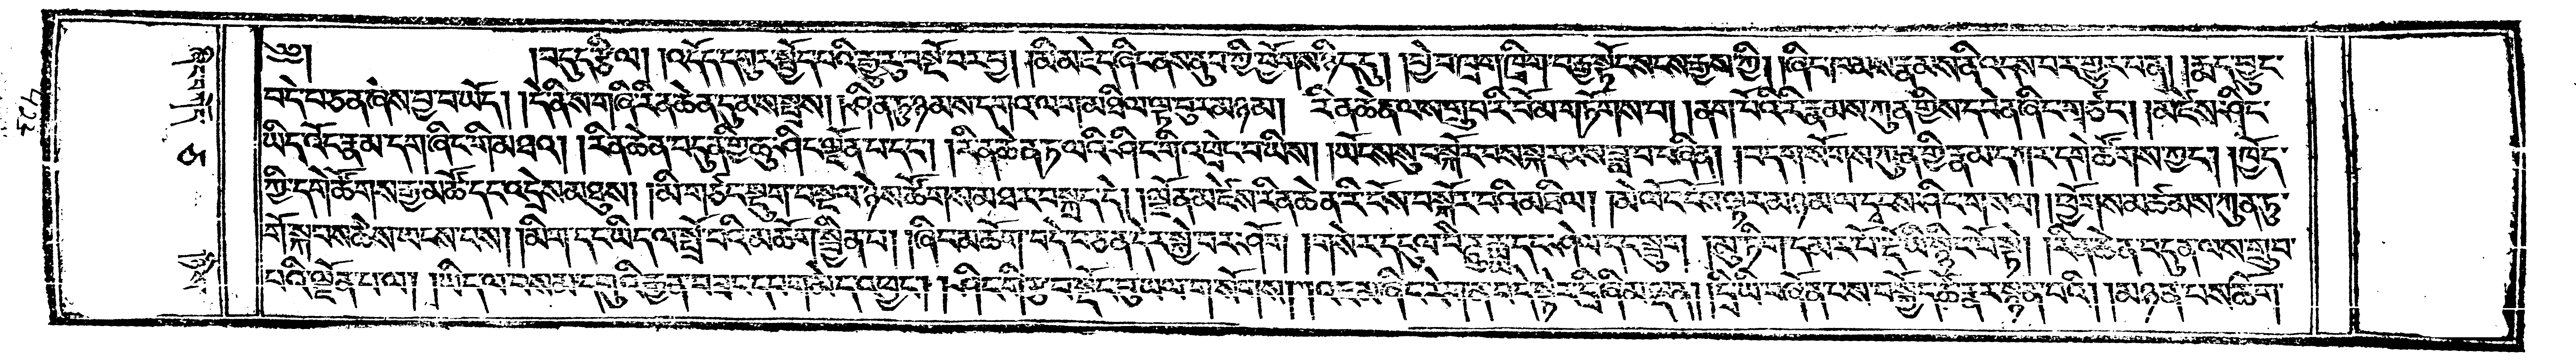༄༅། །བདུད་རྩི་ལ། །འདོད་དགུར་སྤྱོད་པའི་རྒྱུ་རུ་བསྔོ་བར་བྱ། །མི་མཇེད་ཞིང་ནས་ནུབ་ཀྱི་ཕྱོགས་ཉིད་དུ། །བྱེ་བ་ཁྲག་ཁྲིག་བརྒྱ་སྟོང་སངས་རྒྱས་ཀྱི། །ཞིང་ཁམས་རྣམས་ནི་འདས་པར་གྱུར་པ་ན། །རྨད་བྱུང་
བདེ་བ་ཅན་ཞེས་བྱ་བ་ཡོད། །དེ་ནི་ས་གཞི་རིན་ཆེན་དུ་མས་སྤྲས། །ཤིན་ཏུ་ཉམས་དགའ་ལག་མཐིལ་ལྟ་བུར་མཉམ། རིན་ཆེན་ལས་གྲུབ་རི་བོ་མ་གཏོགས་པ། །ནག་པོའི་རི་རྣམས་ཀུན་གྱིས་དབེན་ཞིང་གཙང་། །མཛེས་ཤིང་
ཡིད་འོང་རྣམ་དག་ཞིང་གི་མཐའ། །རིན་ཆེན་བདུན་གྱི་ཆུ་ཤིང་ལྗོན་པ་དང་། །རིན་ཆེན་ཏ་ལའི་ཤིང་གི་འཕྲེང་བ་ཡིས། །ཡོངས་སུ་བསྐོར་བས་སྐར་མས་ཟླ་བ་བཞིན། །བདག་སོགས་ཀུན་གྱི་རྣམ་དཀར་དགེ་ཚོགས་ཀྱང་། །ཁྱོད་
ཀྱི་དགེ་ཚོགས་རྒྱ་མཚོ་དང་འདྲེས་མཐུས། །མི་གཙང་སྡུག་བསྔལ་ཉེས་ཚོགས་མཐར་བསྐྲད་དེ། །ལྔོན་མཛེས་རིན་ཆེན་རི་བོས་བསྐོར་བའི་མཐིལ། །མེ་ལོང་ངོས་ལྟར་མཉམ་ལ་དྭངས་ཤིང་གསལ། །ཕྱོགས་མཚམས་ཀུན་ཏུ་
གོ་སྐབས་ཆེས་ཡངས་པས། །མིག་དང་ཡིད་ལ་སྤྲོ་བའི་མཆོག་སྦྱིན་པ། །ཞིང་མཆོག་བདེ་བ་ཅན་དེར་སྐྱེ་བར་ཤོག །གསེར་དངུལ་བཻཌཱུརྱྱ་དང་ཤེལ་དང་སྦུག །མུ་ཏིག་དམར་པོ་རྡོ་ཡི་སྙིང་པོ་སྟེ། །རིན་ཆེན་བདུན་ལས་གྲུབ་
པའི་ལྗོན་པ་ལ། །ཡིད་ལ་བསམ་དགུའི་རྒྱན་བཟང་དཔག་མེད་འཕྱང་། །ཤིང་གི་རྩ་བ་སྡོང་བུ་ཡལ་ག་སོགས། །འཇམ་ཞིང་རེག་ན་བདེ་སྟེར་དྲི་ཞིམ་ལྡན། །དྲི་ཡི་བཞོན་པས་བསྐྱོད་ཚེ་རྣར་སྙན་པའི། །མཉན་པས་ཆོག་